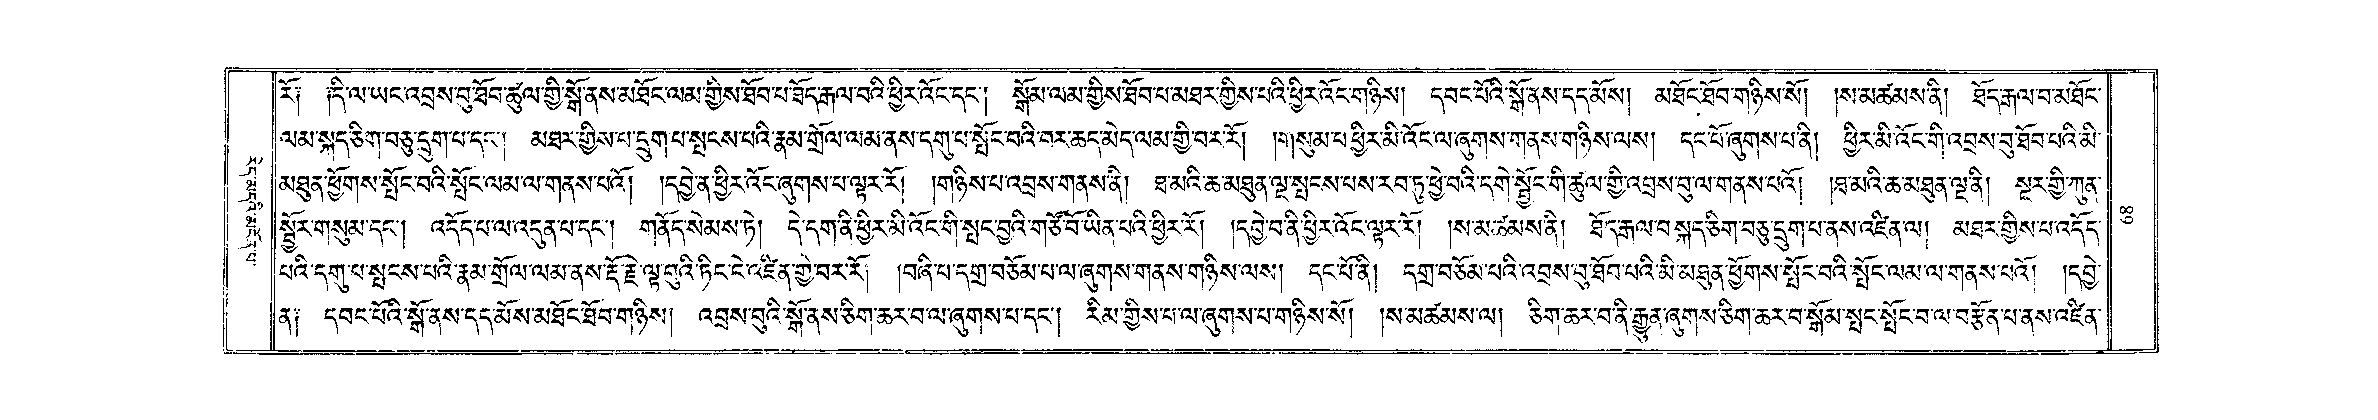རོ༑ ༑དི་ལ་ཡང་འབྲས་བུ་ཐོབ་ཚུལ་གྱི་སྒོ་ནས་མཐོང་ལམ་གྱིས་ཐོབ་པ་ཐོད་རྒལ་བའི་ཕྱིར་འོང་དང་། སྒོམ་ལམ་གྱིས་ཐོབ་པ་མཐར་གྱིས་པའི་ཕྱིར་འོང་གཉིས། དབང་པོའི་སྒོ་ནས་དད་མོས། མཐོང་ཐོབ་གཉིས་སོ། །ས་མཚམས་ནི། ཐོད་རྒལ་བ་མཐོང་
ལམ་སྐད་ཅིག་བཅུ་དྲུག་པ་དང་། མཐར་གྱིས་པ་དྲུག་པ་སྤངས་པའི་རྣམ་གྲོལ་ལམ་ནས་དགུ་པ་སྤོང་བའི་བར་ཆད་མེད་ལམ་གྱི་བར་རོ། །གསུམ་པ་ཕྱིར་མི་འོང་ལ་ཞུགས་གནས་གཉིས་ལས། དང་པོ་ཞུགས་པ་ནི། ཕྱིར་མི་འོང་གི་འབྲས་བུ་ཐོབ་པའི་མི་
མཐུན་ཕྱོགས་སྤོང་བའི་སྤོང་ལམ་ལ་གནས་པའོ། །དབྱེ་ན་ཕྱིར་འོང་ཞུགས་པ་ལྟར་རོ། །གཉིས་པ་འབྲས་གནས་ནི། ཐ་མའི་ཆ་མཐུན་ལྔ་སྤངས་པས་རབ་ཏུ་ཕྱེ་བའི་དགེ་སྦྱོང་གི་ཚུལ་གྱི་འབྲས་བུ་ལ་གནས་པའོ། །ཐ་མའི་ཆ་མཐུན་ལྔ་ནི། སྔར་གྱི་ཀུན་
སྦྱོར་གསུམ་དང་། འདོད་པ་ལ་འདུན་པ་དང་། གནོད་སེམས་ཏེ། དེ་དག་ནི་ཕྱིར་མི་འོང་གི་སྤང་བྱའི་གཙོ་བོ་ཡིན་པའི་ཕྱིར་རོ། །དབྱེ་བ་ནི་ཕྱིར་འོང་ལྟར་རོ། །ས་མཚམས་ནི། ཐོད་རྒལ་བ་སྐད་ཅིག་བཅུ་དྲུག་པ་ནས་འཛིན་ལ། མཐར་གྱིས་པ་འདོད་
པའི་དགུ་པ་སྤངས་པའི་རྣམ་གྲོལ་ལམ་ནས་རྡོ་རྗེ་ལྟ་བུའི་ཏིང་ངེ་འཛིན་གྱི་བར་རོ། །བཞི་པ་དགྲ་བཅོམ་པ་ལ་ཞུགས་གནས་གཉིས་ལས། དང་པོ་ནི། དགྲ་བཅོམ་པའི་འབྲས་བུ་ཐོབ་པའི་མི་མཐུན་ཕྱོགས་སྤོང་བའི་སྤོང་ལམ་ལ་གནས་པའོ། །དབྱེ་
ན༑ དབང་པོའི་སྒོ་ནས་དད་མོས་མཐོང་ཐོབ་གཉིས། འབྲས་བུའི་སྒོ་ནས་ཅིག་ཆར་བ་ལ་ཞུགས་པ་དང་། རིམ་གྱིས་པ་ལ་ཞུགས་པ་གཉིས་སོ། །ས་མཚམས་ལ། ཅིག་ཆར་བ་ནི་རྒྱུན་ཞུགས་ཅིག་ཆར་བ་སྒོམ་སྤང་སྤོང་བ་ལ་བརྩོན་པ་ནས་འཛིན་